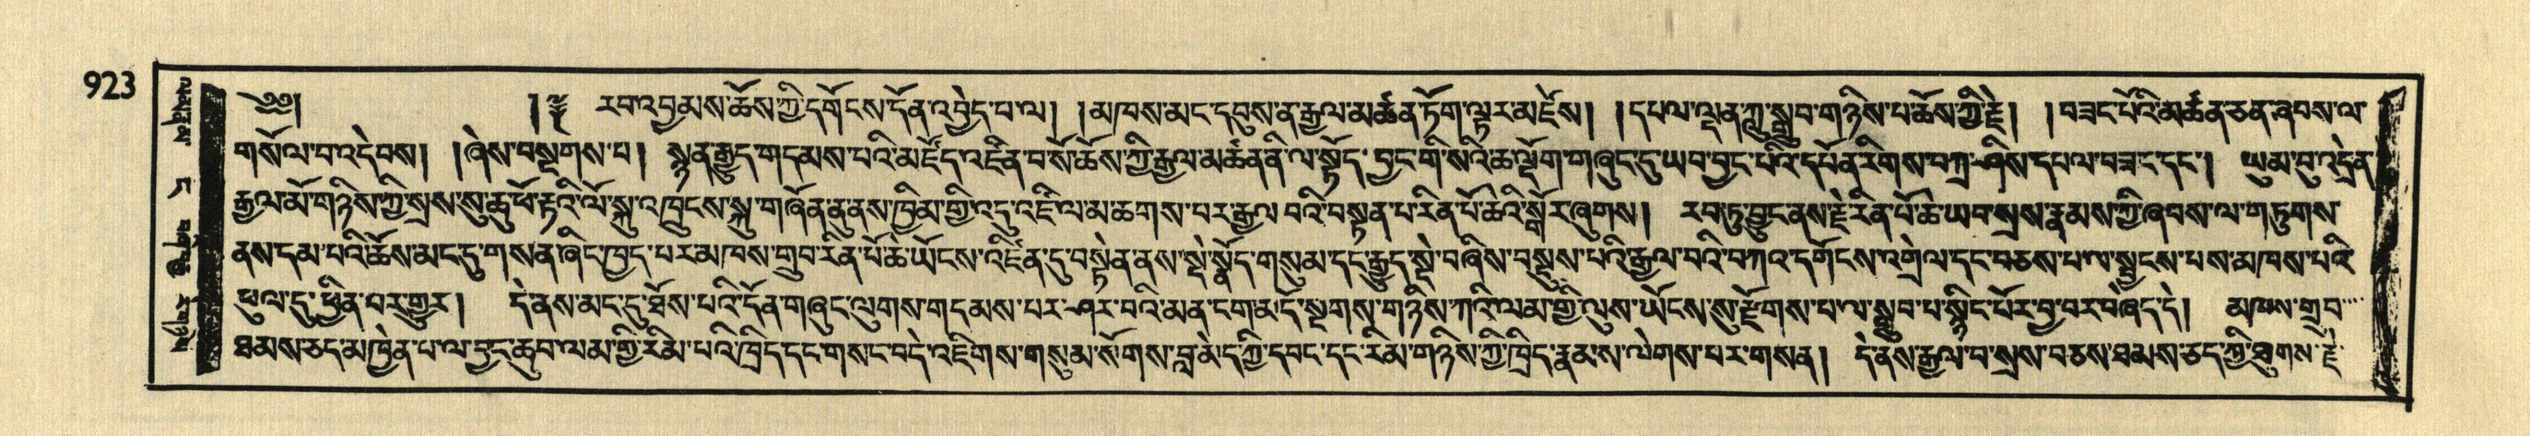༄༅། །༈ རབ་འབྱམས་ཆོས་ཀྱི་དགོངས་དོན་འབྱེད་པ་ལ། །མཁས་མང་དབུས་ན་རྒྱལ་མཚན་ཏོག་ལྟར་མཛེས། །དཔལ་ལྡན་ཀླུ་སྒྲུབ་གཉིས་པ་ཆོས་ཀྱི་རྗེ། །བཟང་པོའི་མཚན་ཅན་ཞབས་ལ་
གསོལ་བ་འདེབས། །ཞེས་བསྔགས་པ། སྙན་རྒྱུད་གདམས་པའི་མཛོད་བསྟན་པ་རིན་པོ་ཆེའི་སྒོར་ཞུགས། རབ་ཏུ་བྱུང་ནས་རྗེ་རིན་པོ་ལྡོག་གཞུང་དུ་ཡབ་བྱང་པའི་དཔོན་རིགས་བཀྲ་ཤིས་དཔལ་བཟང་དང་། ཡུམ་བུ་འདྲེན་
རྒྱལ་མོ་གཉིས་ཀྱི་སྲས་སུ་ཆུ་ཕོ་རྟའི་ལོ་སྐུ་འཁྲུངས་སྐུ་གཞོན་ནུ་ནས་ཁྱིམ་གྱི་འདུ་འཛི་ལ་མ་ཆགས་པར་རྒྱལ་བའི་བསྟན་པ་རིན་པོ་ཆེའི་སྒོར་ཞུགས། རབ་ཏུ་བྱུང་ནས་རྗེ་རིན་པོ་ཆེ་ཡབ་སྲས་རྣམས་ཀྱི་ཞབས་ལ་གཏུགས་
ནས་དམ་པའི་ཆོས་མང་དུ་གསན་ཞིང་ཁྱད་པར་མཁས་གྲུབ་རིན་པོ་ཆེ་ཡོངས་འཛིན་དུ་བསྟེན་ནས་སྡེ་སྣོད་གསུམ་དང་རྒྱུད་སྡེ་བཞིས་བསྡུས་པའི་རྒྱལ་བའི་བཀའ་དགོངས་འགྲེལ་དང་བཅས་པ་ལ་སྦྱངས་པས་མཁས་པའི་
ཕུལ་དུ་ཕྱིན་བར་གྱུར། དེ་ནས་མང་དུ་ཐོས་པའི་དོན་གཞུང་ལུགས་གདམས་པར་ཤར་བའི་མན་ངག་མདོ་སྔགས་གཉིས་ཀའི་ལམ་གྱི་ལུས་ཡོངས་སུ་རྫོགས་པ་ལ་སྒྲུབ་པ་སྙིང་པོར་བྱ་བར་བཞེད་དེ། མཁས་གྲུབ་
ཐམས་ཅད་མཁྱེན་པ་ལ་བྱང་ཆུབ་ལམ་གྱི་རིམ་པའི་ཁྲིད་དང་གསང་བདེ་འཇིགས་གསུམ་སོགས་བླ་མེད་ཀྱི་དབང་དང་རིམ་གཉིས་ཀྱི་ཁྲིད་རྣམས་ལེགས་པར་གསན། དེ་ནས་རྒྱལ་བ་སྲས་བཅས་ཐམས་ཅད་ཀྱི་ཐུགས་རྗེ་